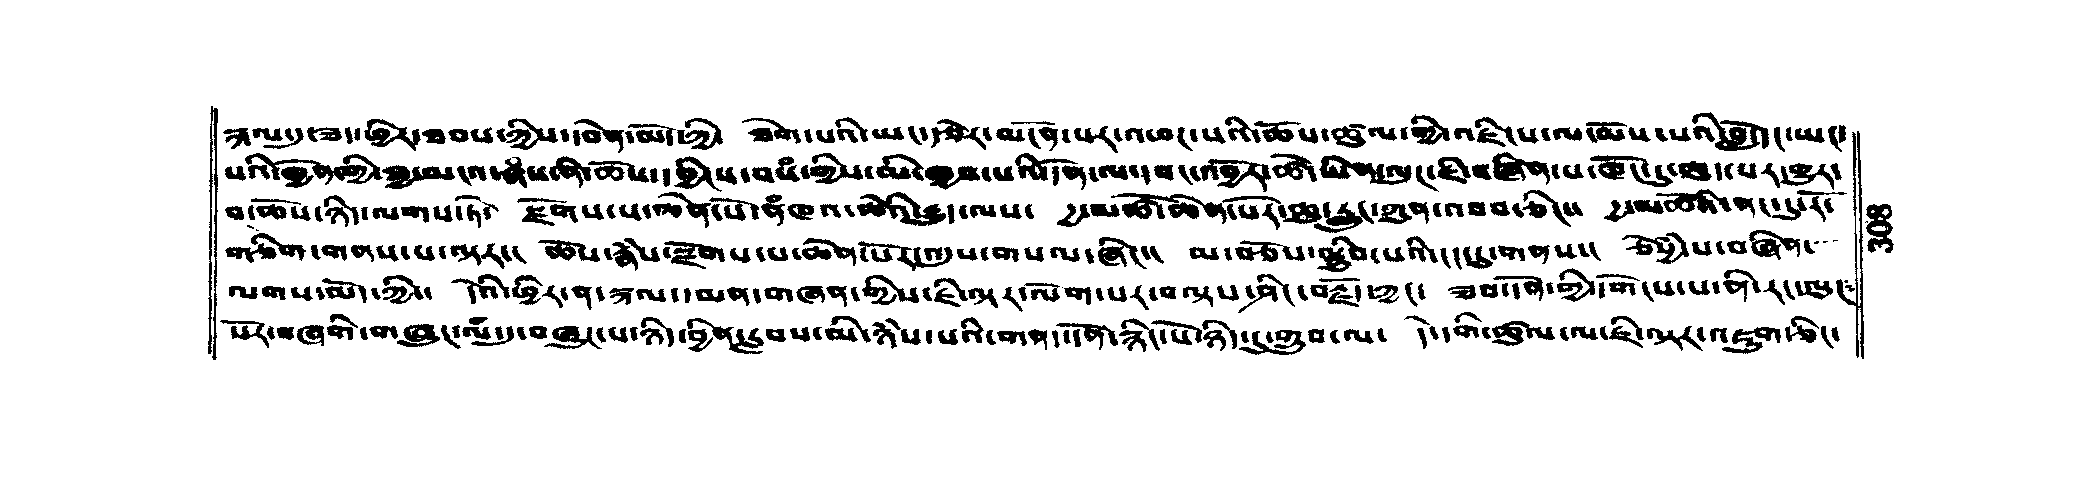སྐལ་དུ་ཟད་ཕྱིར་ཐབས་ཀྱི་དབེན་མོད་ཀྱི། ཐེག་པའི་ཡང་རྩེར་མངོན་པར་འཕགས་པའི་ཆོས་ཚུལ་གྱི་འཇིངས་ལ་མོས་པའི་བློ་དང་ཡང་
པའི་ཁྱོན་གྱི་ཐུགས་མངའ་རྣམས་ནི་ཆོས་དབྱིངས་བསམ་གྱིས་མི་ཁྱབ་པའི་དོན་ལ་དབང་འབྱོར་ཚེ་ཡིན་ལུགས་ཇི་བཞིན་པ་ཁོང་དུ་ཆུད་པར་གྱུར་
བ་ཆོས་ཉིད་ལགས་ཏེ། རྫོགས་པ་ཆེན་པོ་ནམ་མཁའ་ཆེའི་རྒྱུད་ལས། རྒྱ་མཚོ་ཆེན་པོར་ཆུ་རླུང་ཀུན་འབབ་ཅིང་། རྒྱ་མཚོའི་ནང་དུ་རོ་
གཅིག་གནས་པ་ལྟར། ཆོས་རྣམས་རྫོགས་པ་ཆེན་པོར་འདུས་གསལ་ཞིང་། མ་བཅོས་ལྷུན་གྱིས་གྲུབ་པའི་ངང་དུ་གནས། །ཅེས་གསུངས་པ་བཞིན་
ལགས་མོད་ཀྱི། དེའི་ཕྱིར་ན་སྐལ་དམན་རྣམས་ཀྱིས་ཇི་ལྟར་ལོག་པར་བལྟས་ཤིང་བརྗོད་ཀྱང་། ཟབ་དོན་གྱི་དགོངས་པ་ནི་རང་ལུགས་
སོར་བཞག་གི་གཞུང་ལམ་དུ་བཞུགས་པ་ཉིད་བྱིན་རླབས་མི་ཉམས་པའི་གནད་དོན་སྙིང་པོ་ཉིད་དུ་གྲུབ་ལ།དེ་དག་གི་ཚུལ་ལ་ཇི་ལྟར་འཇུག་ཅིང་